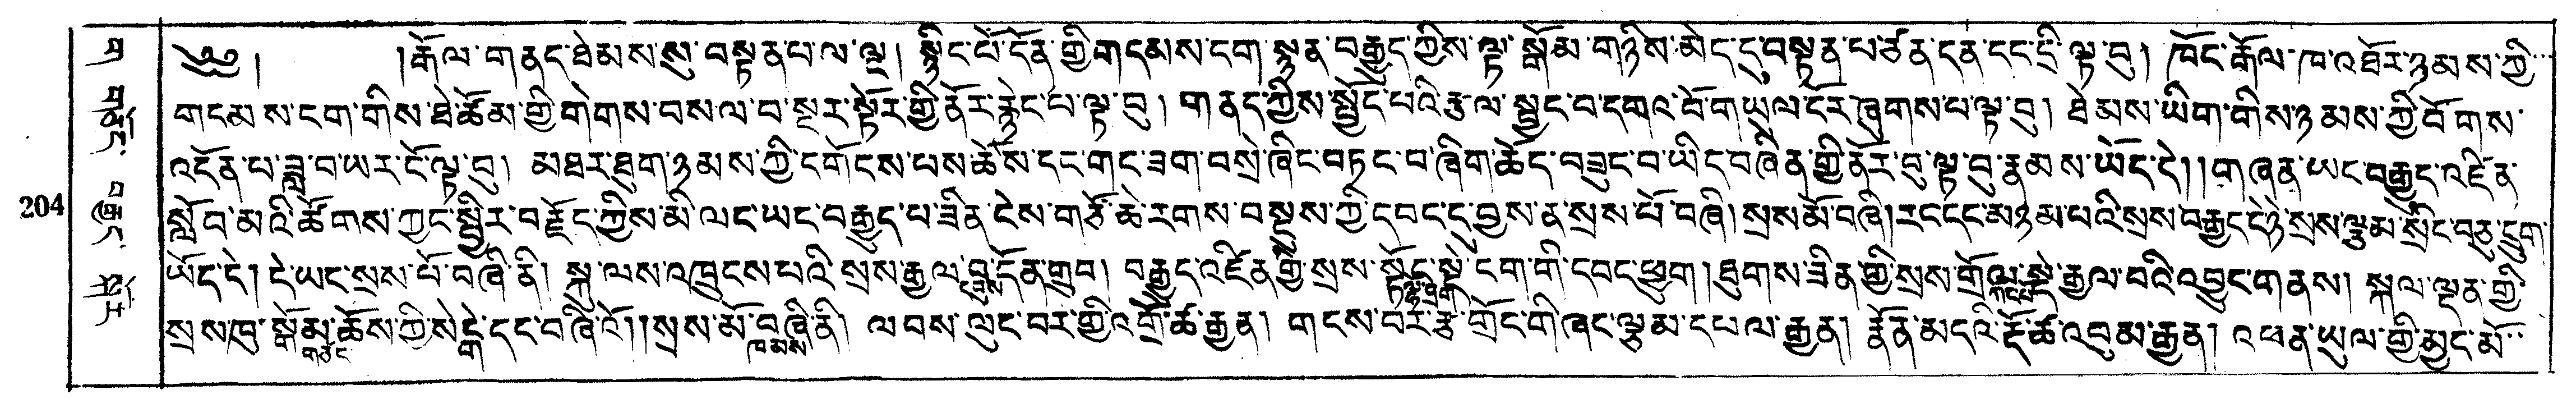༄༅། །རྒོལ་གནད་ཐེམས་སུ་བསྟན་པ་ལ་ལྔ། སྙིང་པོ་དོན་གྱི་གདམས་ངག་སྙན་བརྒྱུད་ཀྱིས་ལྟ་སྒོམ་གཉིས་མེད་དུ་བསྟན་པ་ཙན་དན་དང་དྲི་ལྟ་བུ། ཁོང་རྒོལ་ཁ་འཐོར་ཉམས་ཀྱི་
གདམས་ངག་གིས་ཐེ་ཚོམ་གྱི་གེགས་བསལ་བ་སྔར་སྟོར་གྱི་ནོར་རྙེད་པ་ལྟ་བུ། གནད་ཀྱིས་སྤྱོད་པའི་རྩ་ལ་སྦྱང་བ་དགའ་བོ་གཡུལ་ངོར་ཞུགས་པ་ལྟ་བུ། ཐེམས་ཡིག་གིས་ཉམས་ཀྱི་བོགས་
འདོན་པ་ཟླ་བ་ཡར་ངོ་ལྟ་བུ། མཐར་ཐུག་ཉམས་ཀྱི་དགོངས་པས་ཆོས་དང་གང་ཟག་བསྲེ་ཞིང་བཏང་བ་ཞིག་ཆོད་བཟུང་བ་ཡིད་བཞིན་གྱི་ནོར་བུ་ལྟ་བུ་རྣམས་ཡོད་དེ། །གཞན་ཡང་བརྒྱུད་འཛིན་
སློབ་མའི་ཚོགས་ཀྱང་སྤྱིར་བརྗོད་ཀྱིས་མི་ལང་ཡང་བརྒྱུད་པ་ཟིན་ངེས་གཙོ་ཆེ་རགས་བསྡུས་ཀྱི་དབང་དུ་བྱས་ན་སྲས་པོ་བཞི། སྲས་མི་བཞི། རང་དང་མཉམ་པའི་སྲས་བརྒྱད་དེ་ཉེ་སྲས་ལྕམ་སྲིང་བཅུ་དྲུག་
ཡོད་དེ། དེ་ཡང་སྲས་པོ་བཞི་ནི། སྐུ་ལས་འཁྲུངས་པའི་སྲས་རྒྱལ་དབུས་?་བ་དོན་གྲུབ། བརྒྱུད་འཛིན་གྱི་སྲས་སྟོད་ལྷོ་བྲག་སྡེ་ངག་གི་དབང་ཕྱུག །ཐུགས་ཟིན་གྱི་སྲས་གྲོལ་ཀོང་པོ་སྡེ་རྒྱལ་བའི་འབྱུང་གནས། སྐལ་ལྡན་གྱི་
སྲས་ཁུ་སྒོམ་གཙང་ཆོས་ཀྱི་སེངྒེ་དང་བཞིའོ། །སྲས་མོ་ཁམས་བཞི་ནི། ལབས་ལུང་བར་གྱི་འགྲོ་ཚད་རྒྱན། གངས་བར་རྩ་གྲོང་གི་ཞང་ལྕམ་དཔལ་རྒྱན། རྣོན་མདའི་རྡོ་ཚ་འབུམ་རྒྱན། འཕན་ཡུལ་གྱི་མྱང་མོ་